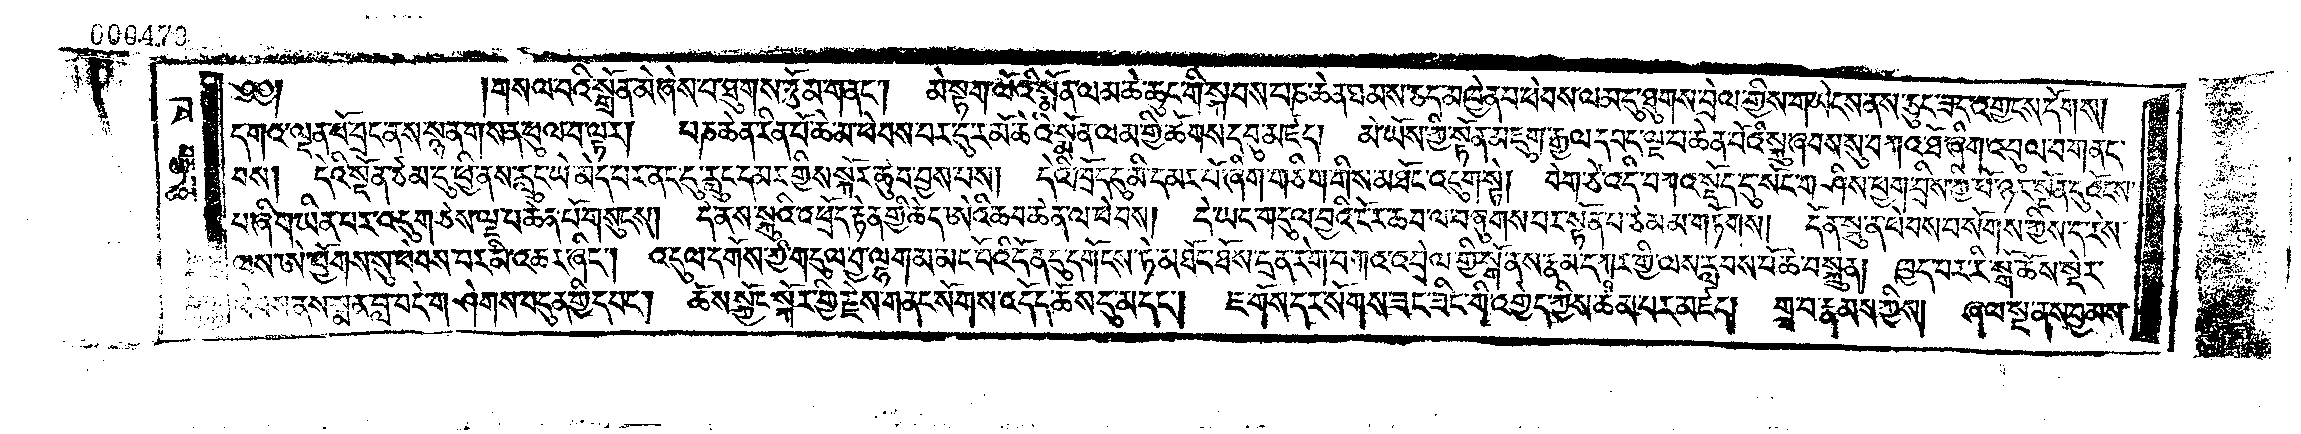༄༅། །གསལ་བའི་སྒྲོན་མེ་ཞེས་བ་ཐུགས་རྩོམ་གནང་། མེ་སྟག་ལོའི་སྨོན་ལམ་ཆེ་ཆུང་གི་སྐབས་པཎ་ཆེན་ཐམས་ཅད་མཁྱེན་པ་ཕེབས་ལམ་དུ་ཐུགས་བྲེལ་གྱིས་གཡེངས་ནས་ཅུང་ཟད་འགྱངས་དོགས།
དགའ་ལྡན་ཕོ་བྲང་ནས་སྙན་གསན་ཕུལ་བ་ལྟར། པཎ་ཆེན་རིན་པོ་ཆེ་མ་ཕེབས་བར་དུར་མོ་ཆེའི་སྨོན་ལམ་གྱི་ཚོགས་དབུ་མཛད། མེ་ཡོས་ཀྱི་སྟོན་མཇུག་རྒྱལ་དབང་ལྔ་པ་ཆེན་པོའི་སྐུ་ཞབས་སུ་བཀའ་ཐོ་ཞིག་འབུལ་བ་གནང་
བས། དེའི་སྔོན་ཙམ་དུ་ཕྱི་ནས་རླུང་ཡེ་མེད་བར་ནད་དུ་རླུང་དམར་གྱིས་སྐོར་ཚུབ་བྱས་པས། དེའི་ཁྲོད་དུ་མི་དམར་པོ་ཞིག་གཅིག་གིས་མཐོང་འདུག་སྟེ། བེག་ཙེ་འདི་བཀའ་སྡོད་དུ་སོང་གཤིས་ཕྱག་བྲིས་ཀྱི་ཕོ་ཉར་སྔོན་དུ་འོངས་
པ་ཞིག་ཡིན་པར་འདུག་ཅེས་ལྔ་པ་ཆེན་པོ་གསུངས། དེ་ནས་སྐུའི་འཕྲོད་རྟེན་གྱི་ཆེད་ཨེའི་ཆབ་ཆེན་ལ་ཕེབས། དེ་ཡང་གདུལ་བྱའི་ངོར་ཆབ་ལ་བཞུགས་པར་སྟོན་པ་ཙམ་མ་གཏོགས། དོན་སྐུན་ཕེབས་པ་སོགས་ཀྱིས་ད་རེས་
ལས་ཨེ་ཕྱོགས་སུ་ཕེབས་བར་མི་འཆར་ཞིང་། འདུལ་དགོས་ཀྱི་གདུལ་བྱ་ལྷག་མ་མང་པོའི་དོན་དུ་དགོངས་ཏེ་མཐོང་ཐོས་དྲན་རེག་བཀའ་འབྲེལ་གྱི་སྒོ་ནས་རྣམ་དཀར་གྱི་ལས་རླབས་པོ་ཆེ་བསྐྲུན། ཁྱད་པར་རི་སྒོ་ཆོས་སྡེར་
ཕེབས་ནས་སྨན་བླ་བདེ་གཤེགས་བདུན་གྱི་དབང་། ཆོས་སྐྱོང་སྐོར་གྱི་རྗེས་གནང་སོགས་འདོད་ཆོས་དུ་མ་དང་། ཇ་གོས་དར་སོགས་ཟང་ཟིང་གི་འགྱེད་ཀྱིས་ཚམ་པར་མཛད། གྲྭ་བ་རྣམས་ཀྱིས། ཞལ་སྔ་ནས་བྱམས་